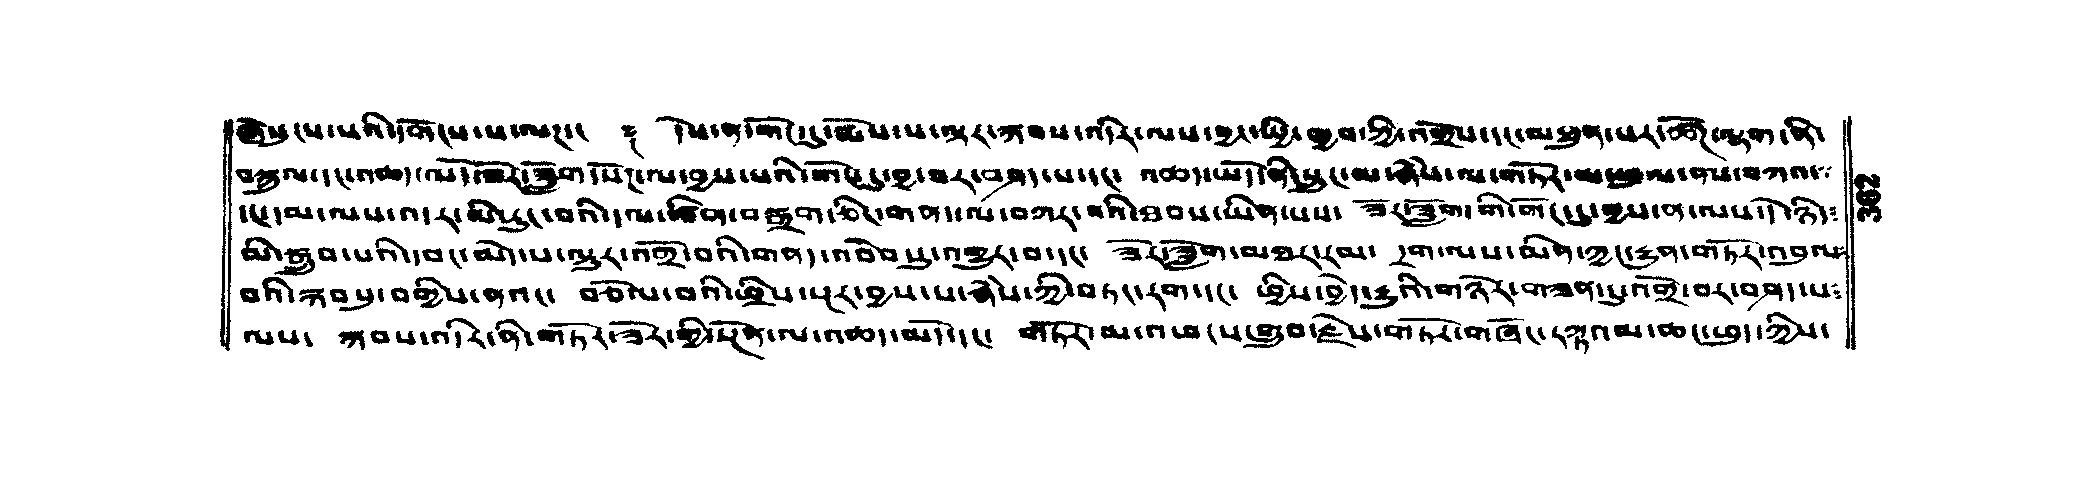ཞེས་གསུངས་པའི་དགོངས་པ་ལགས། ༈ དེ་ན་གོང་དུ་སྨོས་པ་ལྟར་སྐབས་འདིར་ལས་བྱང་སྤྱི་ཁྱབ་ཀྱི་འགྲོས་དང་མཐུན་པར་ཚོགས་ལྷག་ནི་
བསྐུལ་དང་འཆད་མོད་ཟོར་ཟློག་སོགས་ལ་བྱས་པའི་གོང་དུ་བྱ་བར་བཤད་པ་དང་། འཆད་མདོ་ནི་བསྲུང་མ་རྣམས་ལ་གཏོར་མ་ཕུལ་ནས་བཀའ་
དང་དམ་ལས་འདར་མི་རུང་བའི་དམ་ཚིག་བསྒྲག་ཅིང་གནད་ལ་བཀར་བའི་ཐབས་ཡིན་པས། ཟོར་ཟློག་གི་གོང་དུ་བྱས་ན་ལས་དེ་ཉིད་
མི་སྒྲུབ་པའི་དབང་མེད་པ་ལྟ་བུར་འགྲོ་བའི་གནད་འབེབས་སུ་འགྱུར་བ་དང་། ཟོར་ཟློག་མཐར་རམ། དྲག་ལས་མིན་ཀྱང་རྒྱུན་གཏོར་འབུལ་
བའི་སྐབས་སུ་བགྱིས་ནའང་། བཅོལ་བའི་ཕྲིན་ལས་སྔར་བྱས་པ་རྣམས་ཀྱི་བཏང་རག་དང་། ཕྱིས་བྱེད་རྒྱུའི་གཉེར་གཟན་དུ་འགྲོ་བར་བཤད་པ་
ལས། སྐབས་འདིར་ནི་གཏོར་ཟོར་གྱི་སྔོན་དུ་འཆད་མདོ་དང་། གཏོར་མ་འཕངས་གྲུབ་རྗེས་གཏོར་གཞོང་རཀྟའམ་ཆང་ཕུད་ཀྱིས་